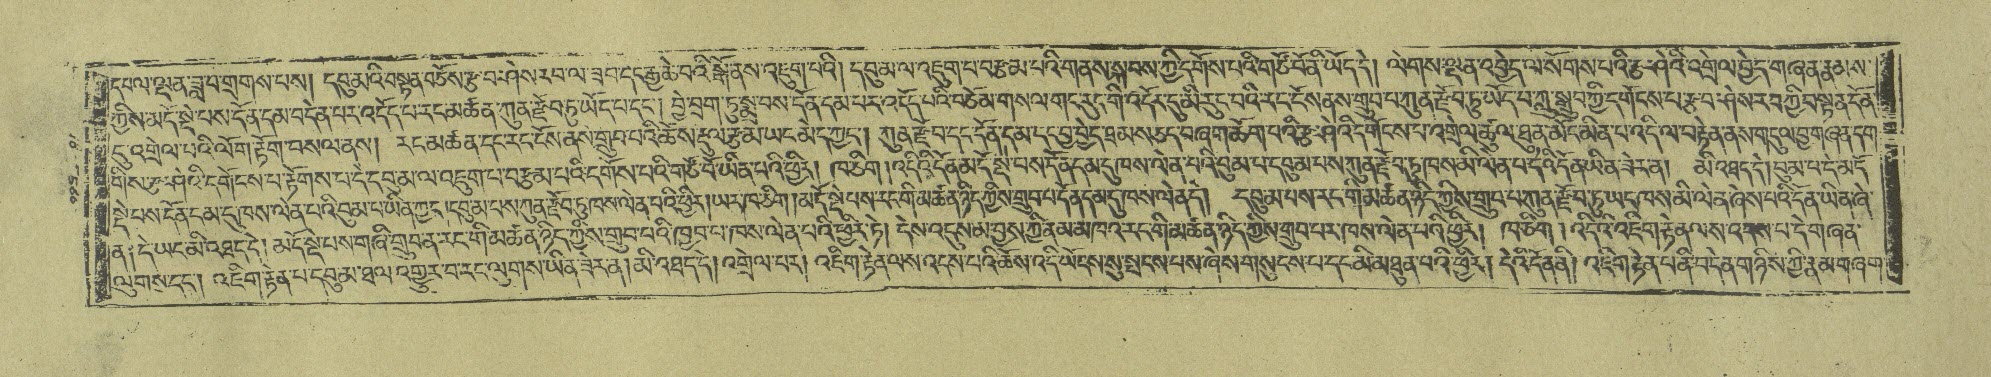དཔལ་ལྡན་ཟླ་བ་གྲགས་པས། དབུ་མའི་བསྟན་བཅོས་རྩ་བ་ཤེས་རབ་ལ་ཟབ་དང་རྒྱ་ཆེ་བའི་སྒོ་ནས་འཇུག་པའི། དབུ་མ་ལ་འཇུག་པ་བརྩམ་པའི་གནས་སྐབས་ཀྱི་དགོས་པའི་གཙོ་བོ་ནི་ཡོད་དེ། ལེགས་ལྡན་འབྱེད་ལ་སོགས་པའི་རྩ་ཤེའི་འགྲེལ་བྱེད་གཞན་རྣམས་
གྱིས་མདོ་སྡེ་བས་དོན་དམ་བདེན་པར་འདོད་པ་རང་མཚན་ཀུན་རྫོབ་ཏུ་ཡོད་པ་དང་། བྱེ་བྲག་ཏུ་སྨྲ་བས་དོན་དམ་པར་འདོད་པའི་བཅོམ་གསལ་གང་རུང་གི་འདོར་དུ་མི་རུང་བའི་རང་ངོས་ནས་གྲུབ་པ་ཀུན་རྫོབ་ཏུ་ཡོད་པ་ཀླུ་སྒྲུབ་ཀྱི་དགོངས་པ་རྩ་བ་ཤེས་རབ་ཀྱི་བསྟན་དོན་
དུ་འགྲེལ་བའི་ལོག་རྟོག་བསལ་ནས། རང་མཚན་དང་རང་ངོས་ནས་གྲུབ་པའི་ཆོས་རྡུལ་རྩམ་ཡང་མེད་ཀྱང་། ཀུན་རྫོབ་དང་དོན་དམ་དང་བྱ་བྱེད་ཐམས་ཅད་བཞག་ཆོག་པའི་རྩ་ཤེའི་དགོངས་པ་འགྲེལ་ཚུལ་ཐུན་མོང་མིན་པ་འདི་ལ་བརྟེན་ནས་གདུལ་བྱ་གཞན་དག་
གིས་རྩ་ཤེའི་དགོངས་པ་རྟོགས་པ་དེ་དབུ་མ་ལ་འཇུག་པ་བརྩམ་པའི་དགོས་པའི་གཙོ་བོ་ཡིན་པའི་ཕྱིར། ཁ་ཅིག །འདིའི་དོན་མདོ་སྡེ་པས་དོན་དམ་དུ་ཁས་ལེན་པའི་བུམ་པ་དབུ་མ་པས་ཀུན་རྫོབ་ཏུ་ཁས་མི་ལེན་པ་དེའི་དོན་ཡིན་ཟེར་ན། མི་འཐད་དེ། བུམ་པ་དེ་མདོ་
སྡེ་བས་དོན་དམ་དུ་ཁས་ལེན་པའི་བུམ་པ་ཡིན་ཀྱང་། དབུ་མ་པས་ཀུན་རྫོབ་ཏུ་ཁས་ལེན་པའི་ཕྱིར། ཡང་ཁ་ཅིག །མདོ་སྡེ་པས་རང་གི་མཚན་ཉིད་ཀྱིས་གྲུབ་པ་དོན་དམ་དུ་ཁས་ལེན་དེ། དབུ་མ་པས་རང་གི་མཚན་ཉིད་ཀྱིས་གྲུབ་པ་ཀུན་རྫོབ་ཏུ་ཡང་ཁས་མི་ལེན་ཞེས་པའི་དོན་ཡིན་ཞེས་
ན། དེ་ཡང་མི་འཐད་དེ། མདོ་སྡེ་པས་གཞི་གྲུབ་ན་རང་གི་མཚན་ཉིད་ཀྱིས་གྲུབ་པའི་ཁྱབ་པ་ཁས་ལེན་པའི་ཕྱིར་ཏེ། དེས་འདུས་མ་བྱས་ཀྱི་ནམ་མཁའ་རང་གི་མཚན་ཉིད་ཀྱིས་གྲུབ་པར་ཁས་ལེན་པའི་ཕྱིར། ཁ་ཅིག །འདིའི་འཇིག་རྟེན་ལས་འདས་པ་དེ་གཞན་
ལུགས་དང་། འཇིག་རྟེན་པ་དབུ་མ་ཐལ་འགྱུར་བ་རང་ལུགས་ཡིན་ཟེར་ན། མི་འཐད་དེ། འགྲེལ་པར། འཇིག་རྟེན་ལས་འདས་པའི་ཆོས་འདི་ཡོངས་སུ་སྤངས་པས་ཞེས་གསུངས་པ་དང་མི་མཐུན་པའི་ཕྱིར། དེའི་དོན་ནི། འཇིག་རྟེན་པ་ནི་བདེན་གཉིས་ཀྱི་རྣམ་གཞག་